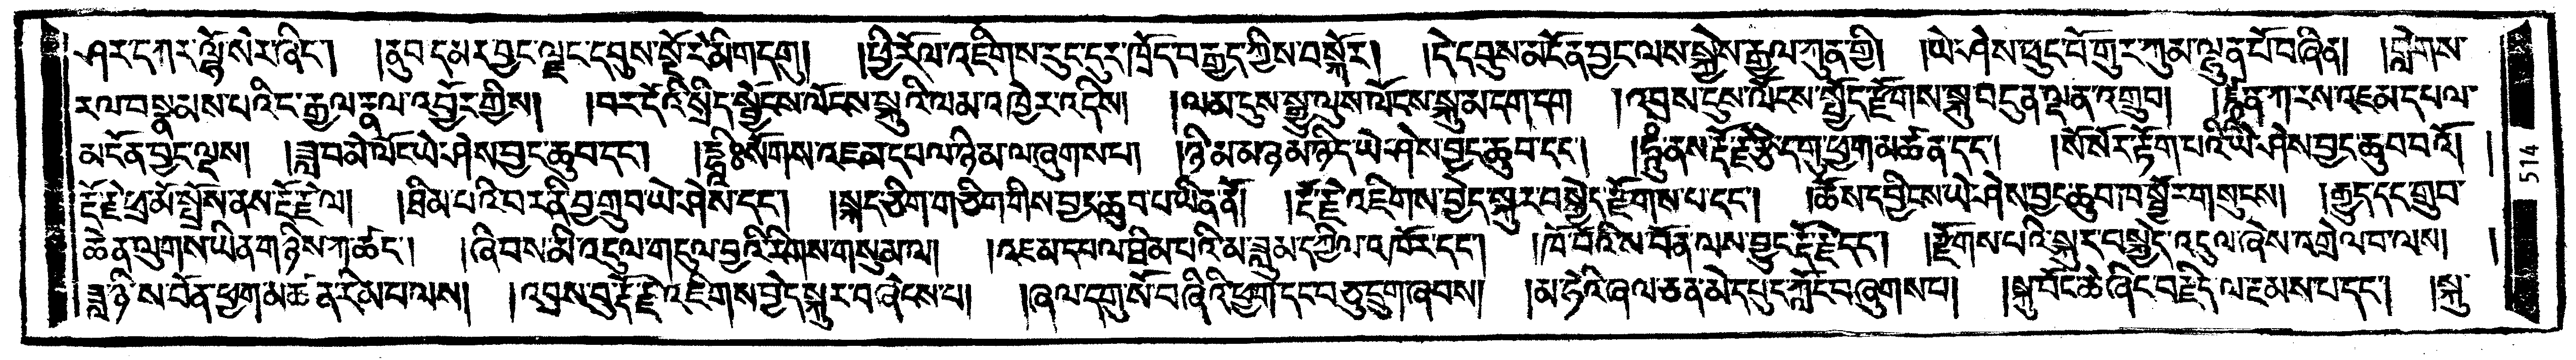ཤར་དཀར་ལྷོ་སེར་ཞིང་། །ནུབ་དམར་བྱང་ལྗང་དབུས་སྔོ་རེ་མིག་དགུ། །ཕྱི་རོལ་འཇིགས་རུང་དུར་ཁྲོད་བརྒྱད་ཀྱིས་བསྐོར། །དེ་དབུས་མངོན་བྱང་ལས་སྐྱེས་རྒྱལ་ཀུན་གྱི། །ཡེ་ཤེས་ཕུང་པོ་གུར་ཀུམ་ལྷུན་པོ་བཞིན། །གླེགས་
རལ་བསྣམས་པའི་ང་རྒྱལ་རྣལ་འབྱོར་གྱིས། །བར་དོའི་སྲིད་སྦྱོངས་ལོངས་སྐུའི་ལམ་འཁྱེར་འདིས། །ལམ་དུས་སྒྱུ་ལུས་ལོངས་སྐུ་མ་དག་དག །འབྲས་དུས་ལོངས་སྤྱོད་རྫོགས་སྐུ་བདུན་ལྡན་འགྲུབ། །ཛྙཱ་ན་ཀ་རས་འཇམ་དཔལ་
མངོན་བྱང་ལྔས། །ཟླ་བ་མེ་ལོང་ཡེ་ཤེས་བྱང་ཆུབ་དང་། །དྷཱིཿསོགས་འཇམ་དཔལ་ཉི་མ་ལ་ཞུགས་པ། །ཉི་མ་མཉམ་ཉིད་ཡེ་ཤེས་བྱང་ཆུབ་དང་། །ཧཱུཾ་ནས་རྡོ་རྗེ་རྩེ་དགུ་ཕྱག་མཚན་དང་། །སོ་སོར་རྟོག་པའི་ཡེ་ཤེས་བྱང་ཆུབ་པའོ། །
རྡོ་རྗེ་ཕྲ་མོ་སྤྲོས་ནས་རྡོ་རྗེ་ལ། །ཐིམ་པའི་བར་ནི་བྱ་གྲུབ་ཡེ་ཤེས་དང་། །སྐད་ཅིག་གཅིག་གིས་བྱང་ཆུབ་པ་ཡིན་ནོ། །རྡོ་རྗེ་འཇིགས་བྱེད་སྐུར་བསྐྱེད་རྫོགས་པ་དང་། །ཆོས་དབྱིངས་ཡེ་ཤེས་བྱང་ཆུབ་ཁ་སྦྱོར་གསུངས། །རྒྱུད་དང་གྲུབ་
ཆེན་ལུགས་ཡིན་གཉིས་ཀ་ཚང་། །ཞི་བས་མི་འདུལ་གདུལ་བྱའི་རིགས་གསུམ་ལ། །འཇམ་དཔལ་ཐིམ་པའི་མ་ཟླུམ་དཀྱིལ་འཁོར་དང་། །ཁོ་བོའི་ས་བོན་ལས་བྱུང་རྡོ་རྗེ་དང་། །རྫོགས་པའི་སྐུར་བསྐྱེད་འདུལ་ཞེས་འགྲེལ་བ་ལས། །
ཟླ་ཉི་ས་བོན་ཕྱག་མཚན་རིམ་བ་ལས། །འབྲས་བུ་རྡོ་རྗེ་འཇིགས་བྱེད་སྐུར་བཞེངས་པ། །ཞལ་དགུ་སོ་བཞིའི་ཕྱག་དང་བཅུ་དྲུག་ཞབས། །མ་ཧེའི་ཞལ་ཅན་མེ་དཔུང་ཀློང་བཞུགས་པ། །སྐུ་བོང་ཆེ་ཞིང་བརྗིད་ལ་རྔམས་པ་དང་། །སྐུ་